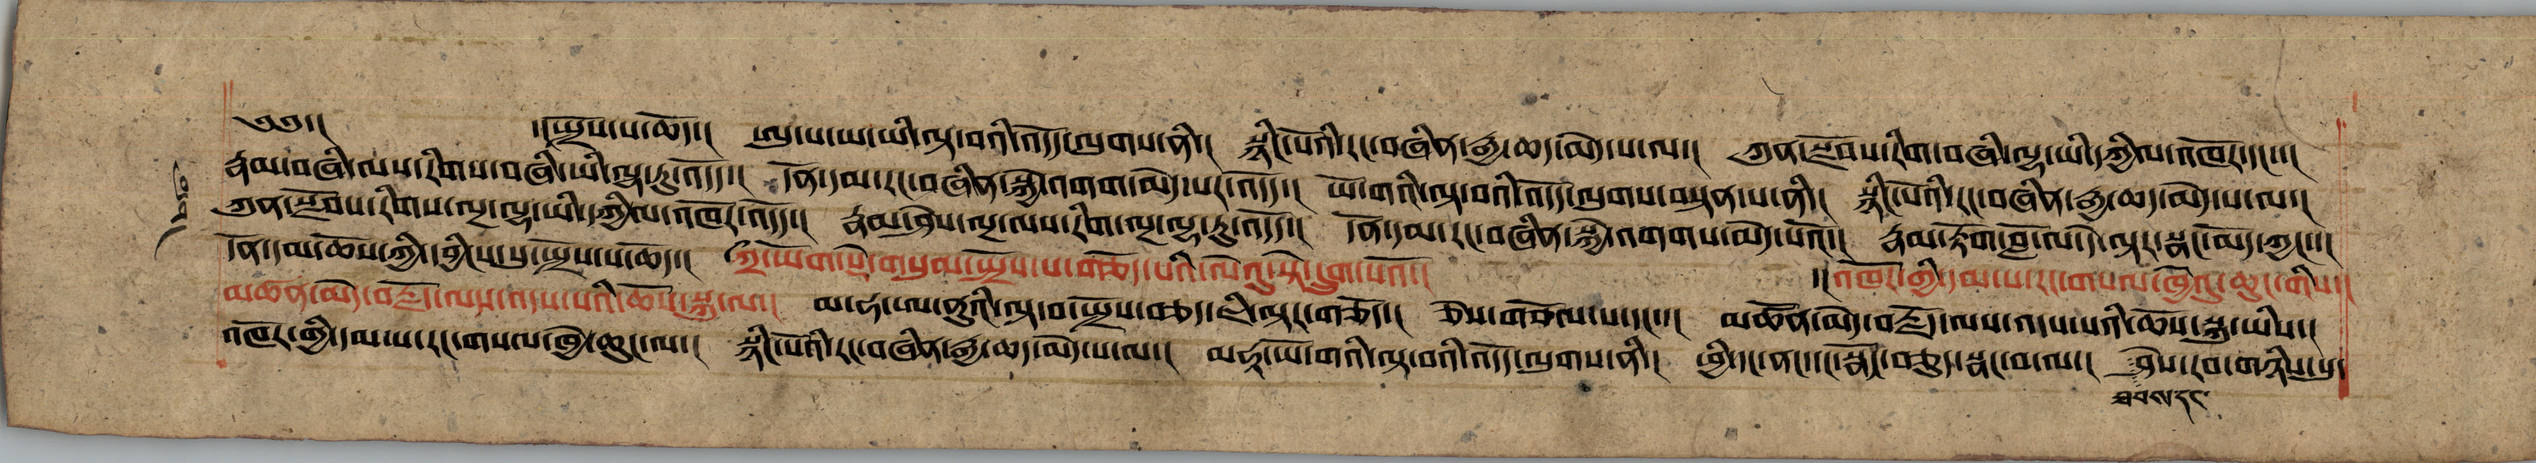༄༅་། ་།སྤྲོས་པ་ཆོད་། ཨུ་པ་ཡ་ཡི་ལྟ་བའི་འདོད་ལུགས་ནི་། སྙིང་པོའི་རང་བཞིན་རྒྱ་ཆད་མེད་པ་ལ་། ཀུན་སྫོབ་རིག་བཞི་ལྷ་ཡི་དཀྱིལ་འཁོར་དང་་།
རྣམ་བཞི་ལས་རིགས་བཞི་ཡི་ལྷ་རུ་འདོད་། དོན་དམ་རང་བཞིན་སྐྱེ་འགག་མེད་པར་འདོད་། ཡོ་གའི་ལྟ་བའི་འདོད་ལུགས་བསྟན་པ་ནི་། སྙིང་པོའི་རང་བཞིན་རྒྱ་ཆད་མེད་པ་ལ་།
ཀུན་སྫོབ་རིགས་ལྔ་ལྷ་ཡི་དཀྱིལ་འཁོར་འདོད་། རྣམ་ཤེས་ལྔ་ལས་རིག་ལྔ་ལྷ་རུ་འདོད་། དོན་དམ་རང་བཞིན་སྐྱེ་འགགས་མེད་པའོ་། རྣམ་རྟོག་བློ་ལ་དེ་ལྟར་སྣང་མོད་ཀྱང་་།
དོན་དམ་ཆོས་ཀྱི་དབྱིངས་སུ་སྤྲོས་པ་ཆོད་། ཀྲི་ཡོག་སྡེ་གསུམ་སྤྲོས་པ་གཅོད་པའི་ལེའུ་སྟེ་དྲུག་པའོ་། ་།་འཁོར་གྱི་དམ་པ་རང་གསལ་ཁྱེའུ་ཆུང་གིས་།
མཚན་མེད་བརྗོད་ལས་འདས་པའི་ཆོས་སྐུ་ལ་། མ་ཧ་ཨ་ནུའི་ལྟ་བ་སྤྲོས་བཅད་ཇི་ལྟར་གཅོད་། ཅེས་གསོལ་པ་དང་་། མཚོན་མེད་བརྗོད་ལས་འདས་པའི་ཆོས་སྐུ་ཡིས་།
འཁོར་གྱི་དམ་པ་རང་གསལ་ཁྱེ་ཆུང་ལ་། སྙིང་པོའི་རང་བཞིན་རྒྱ་ཆད་མེད་པ་ལ་། མཧཱ་ཡོ་གའི་ལྟ་བའི་འདོད་ལུགས་ནི་། ཕྱི་དང་ནང་དང་སྣོད་བཅུད་སྣང་བ་ལ་། ཤེས་རབ་གཉིས་སུ